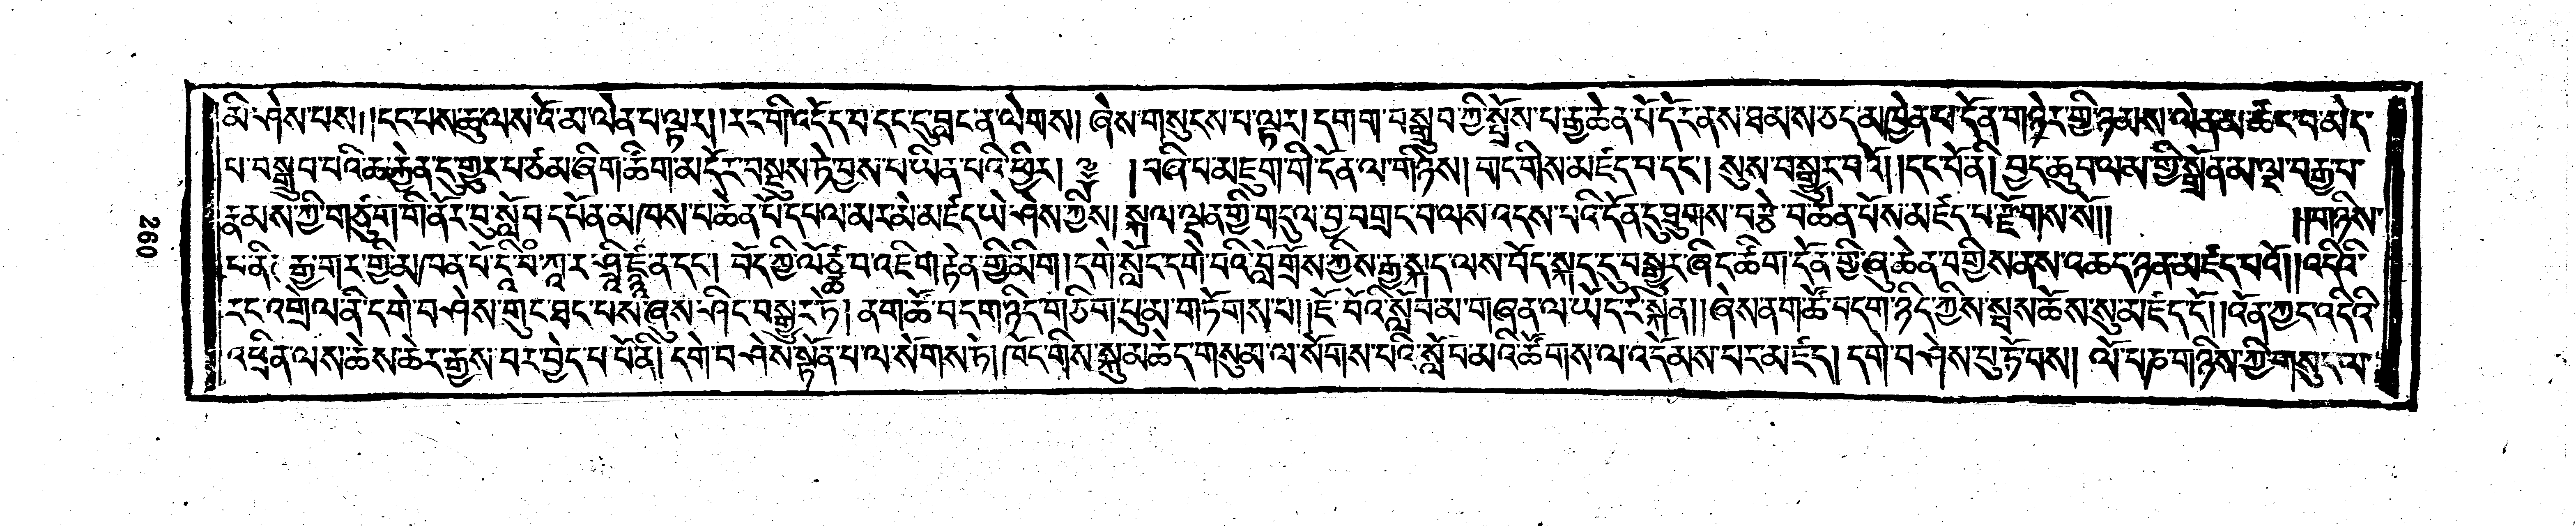མི་ཤེས་པས། །ངང་པས་ཆུ་ལས་འོ་མ་ལེན་པ་ལྟར། །རང་གི་འདོད་པ་དང་དུ་བླང་ན་ལེགས། ཞེས་གསུངས་པ་ལྟར། དགག་བསྒྲུབ་ཀྱི་སྤྲོས་པ་རྒྱ་ཆེན་པོ་དོར་ནས་ཐམས་ཅད་མཁྱེན་པ་དོན་གཉེར་གྱི་ཉམས་ལེན་མ་ཚང་བ་མེད་
པ་བསྒྲུབ་པའི་ཆ་རྐྱེན་དུ་གྱུར་པ་ཙམ་ཞིག་ཚིག་མདོར་བསྡུས་ཏེ་བྱས་པ་ཡིན་པའི་ཕྱིར། ༈ །བཞི་པ་མཇུག་གི་དོན་ལ་གཉིས། གང་གིས་མཛད་པ་དང་། སུས་བསྒྱུར་བའོ། །དང་པོ་ནི། བྱང་ཆུབ་ལམ་གྱི་སྒྲོན་མ་ལྔ་བརྒྱ་པ་
རྣམས་ཀྱི་གཙུག་གི་ནོར་བུ་སློབ་དཔོན་མཁས་པ་ཆེན་པོ་དཔལ་མར་མེ་མཛད་ཡེ་ཤེས་ཀྱིས། སྐལ་ལྡན་གྱི་གདུལ་བྱ་བགྲང་བ་ལས་འདས་པའི་དོན་དུ་ཐུགས་བརྩེ་བ་ཆེན་པོས་མཛད་པ་རྫོགས་སོ།། །།གཉིས་
པ་ནི། རྒྱ་གར་གྱི་མཁན་པོ་དཱི་པཾ་ཀཱ་ར་ཤྲཱི་ཛྙཱ་ན་དང་། བོད་ཀྱི་ལོཙྪ་བ་འཇིག་རྟེན་གྱི་མིག །དགེ་སློང་དགེ་བའི་བློ་གྲོས་ཀྱིས་རྒྱ་སྐད་ལས་བོད་སྐད་དུ་བསྒྱུར་ཞིང་ཚིག་དོན་གྱི་ཞུ་ཆེན་བགྱིས་ནས་འཆད་ཉན་མཛད་པའོ། །འདིའི་
རང་འགྲེལ་ནི་དགེ་བཤེས་གུང་ཐང་པས་ཞུས་ཤིང་བསྒྱུར་ཏེ། ནག་ཚོ་བདག་ཉིད་གཅིག་པུ་མ་གཏོགས་པ། །ཇོ་བོའི་སློབ་མ་གཞན་ལ་ཡོད་རེ་སྐན། །ཞེས་ནག་ཚོ་བདག་ཉིད་ཀྱིས་སྦས་ཆོས་སུ་མཛད་དོ། །འོན་ཀྱང་འདིའི་
འཕྲིན་ལས་ཆེས་ཆེར་རྒྱས་པར་བྱེད་པ་པོ་ནི། དགེ་བཤེས་སྟོན་པ་ལ་སོགས་ཏེ། ཁོང་གིས་སྐུ་མཆེད་གསུམ་ལ་སོགས་པའི་སློབ་མའི་ཚོགས་ལ་འདོམས་པར་མཛད། དགེ་བཤེས་པུ་ཏོ་བས། ལོ་པཎ་གཉིས་ཀྱི་གསུང་ལ་